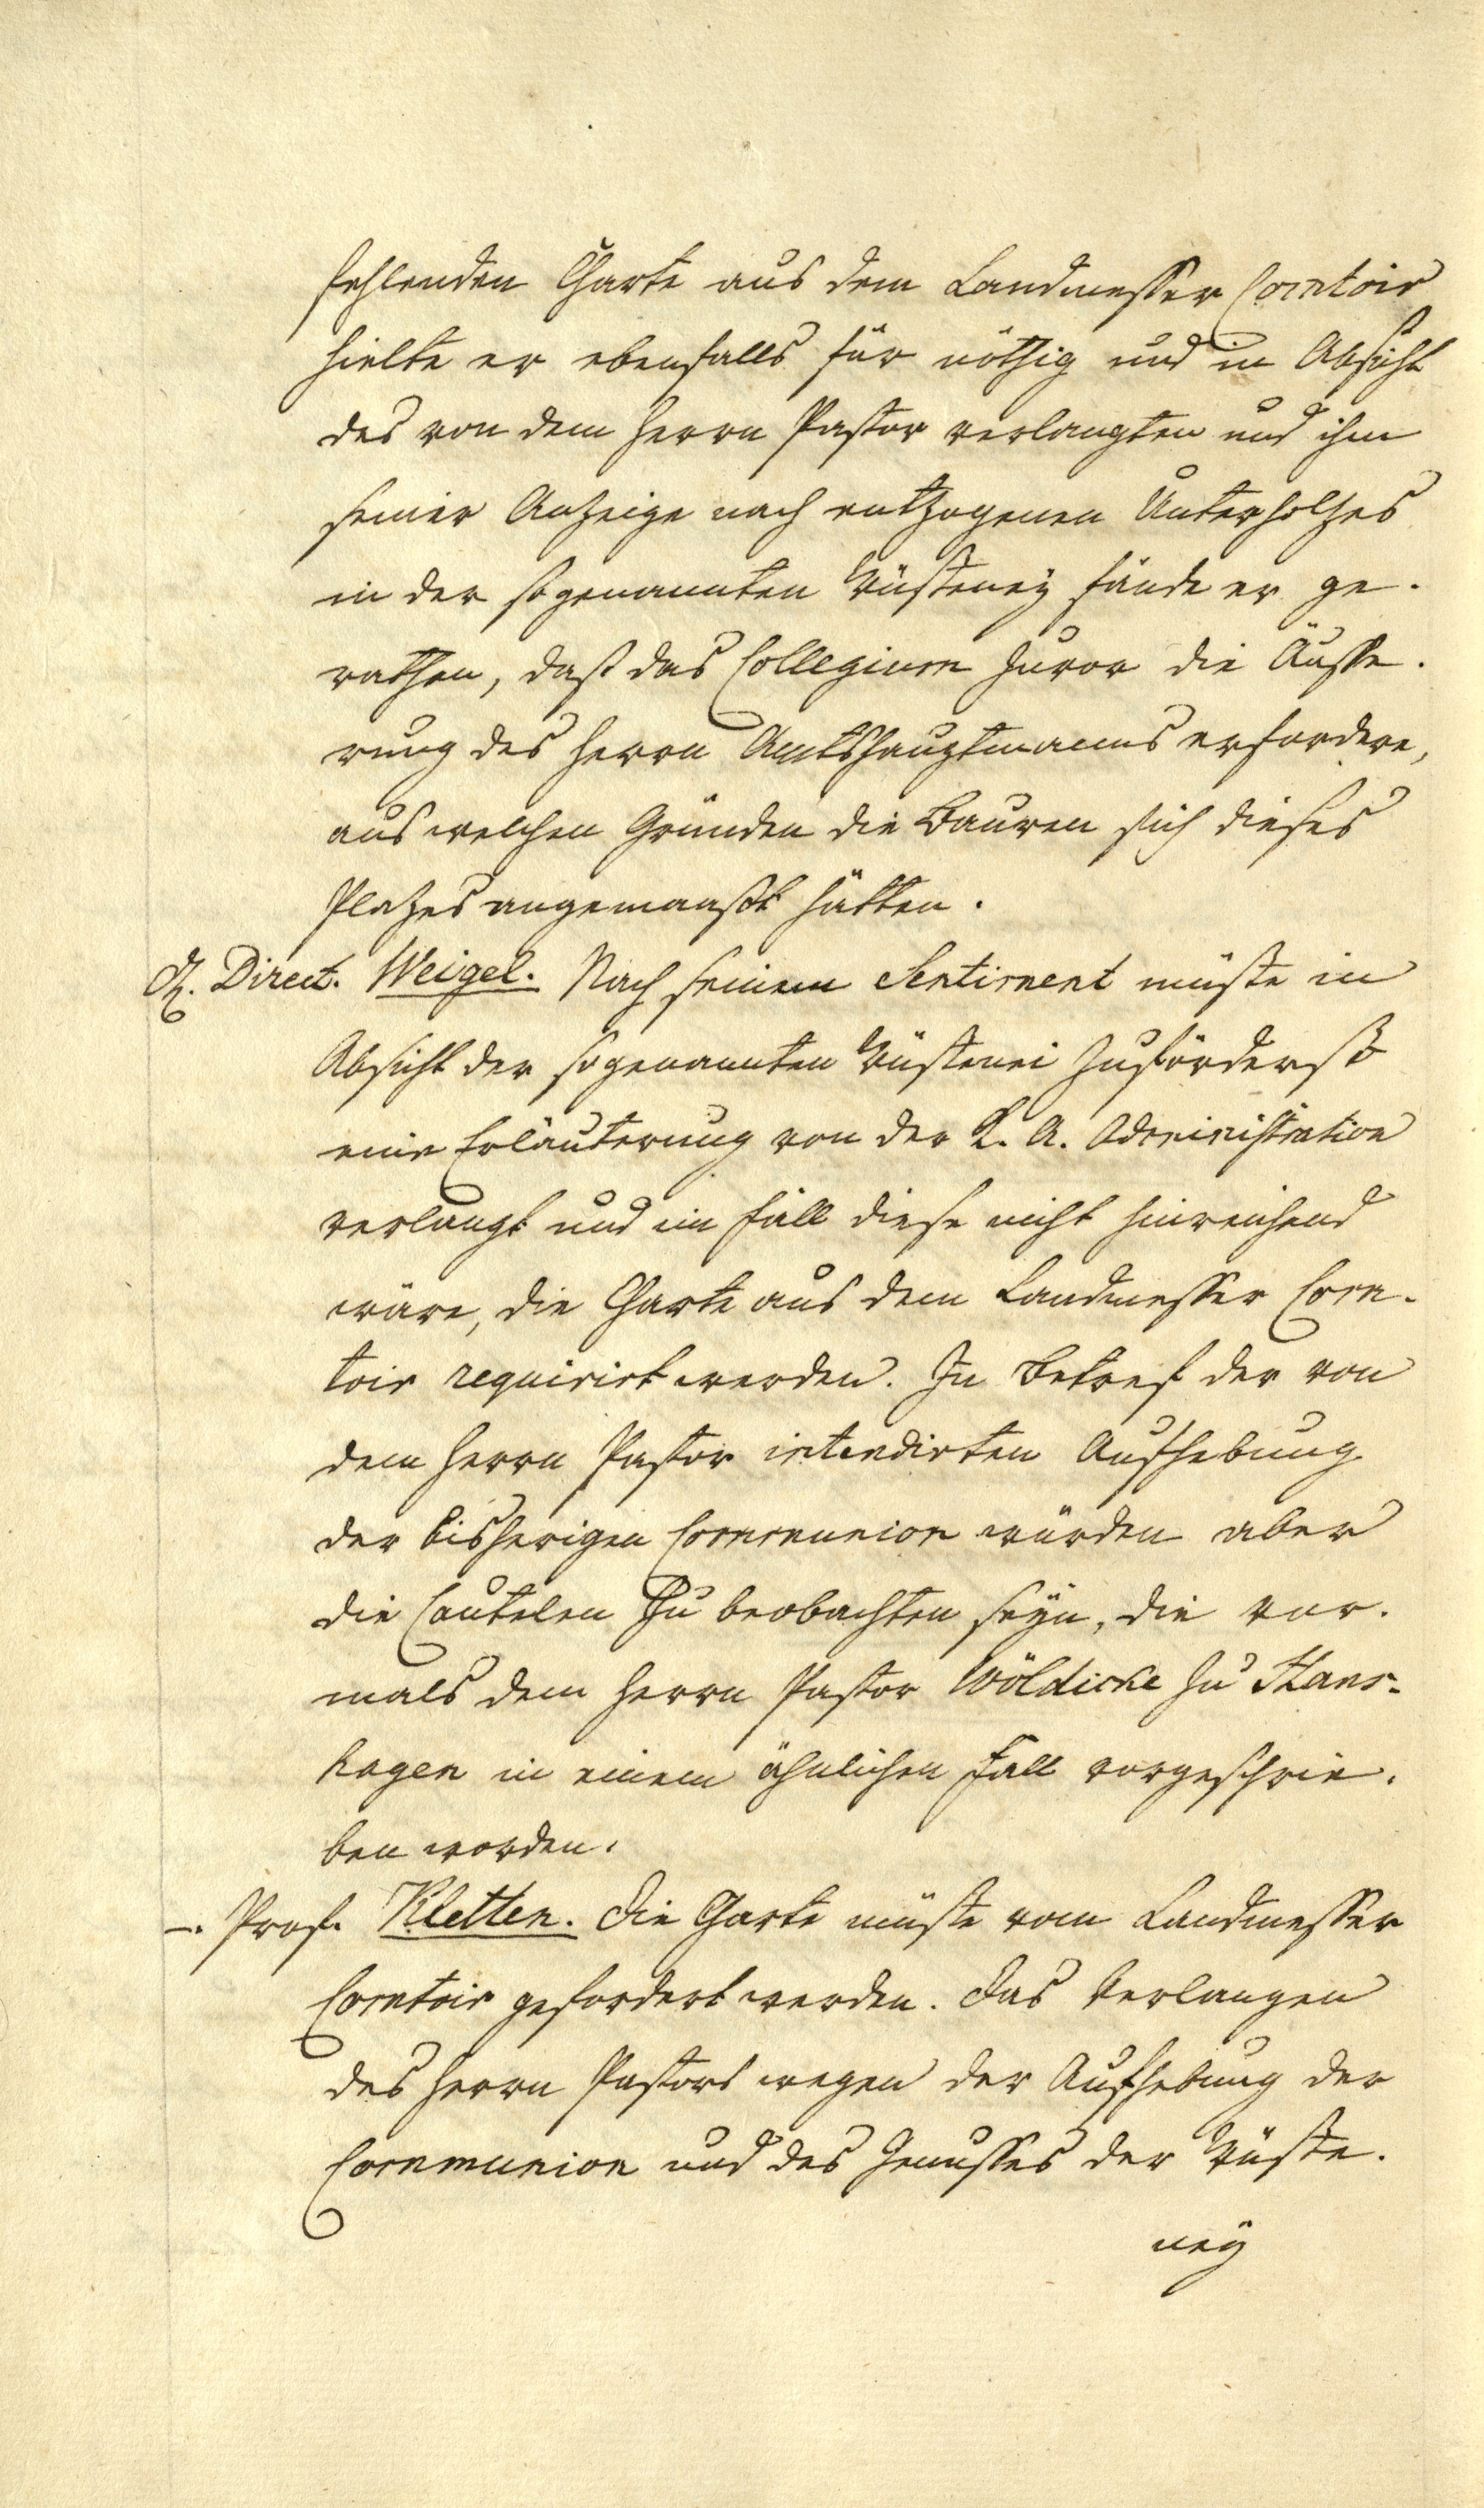fehlenden Charte aus dem Landmesser Comtoir
hielte er ebenfalls für nöthig und in Absicht
des von dem Herrn Pastor verlangten und ihm
seiner Anzeige nach entzogenen Unterholzes
in der sogenannten Wüsteneÿ fände er ge¬
rathen, daß das Collegium zuvor die Äusse¬
rung des Herrn Amtshauptmanns erfordere,
aus welchen Gründen die Bauren sich dieses
Platzes angemaast hätten.
dh. Direct. Weigel. Nach seinem Sentiment müßte in
Absicht der sogenannten Wüstenei zuförderst
eine Erläuterung von der K. A. Administration
verlangt und im Fall diese nicht hinreichend
wäre, die Charte aus dem Landmesser Com¬
toir requirirt werden. In Betref der von
dem Herrn Pastor intendirten Aufhebung
der bisherigen Communion würden aber
die Cautelen zu beobachten seÿn, die vor¬
mals dem Herrn Pastor Wöldicke zu Hans¬
hagen in einem ähnlichen Fall vorgeschrie¬
ben worden.
Prof. Kletten. Die Charte müßte vom Landmesser
Comtoir gefordert werden. Das Verlangen
des Herrn Pastors wegen der Aufhebung der
Communion und des Genusses der Wüste¬
neÿ